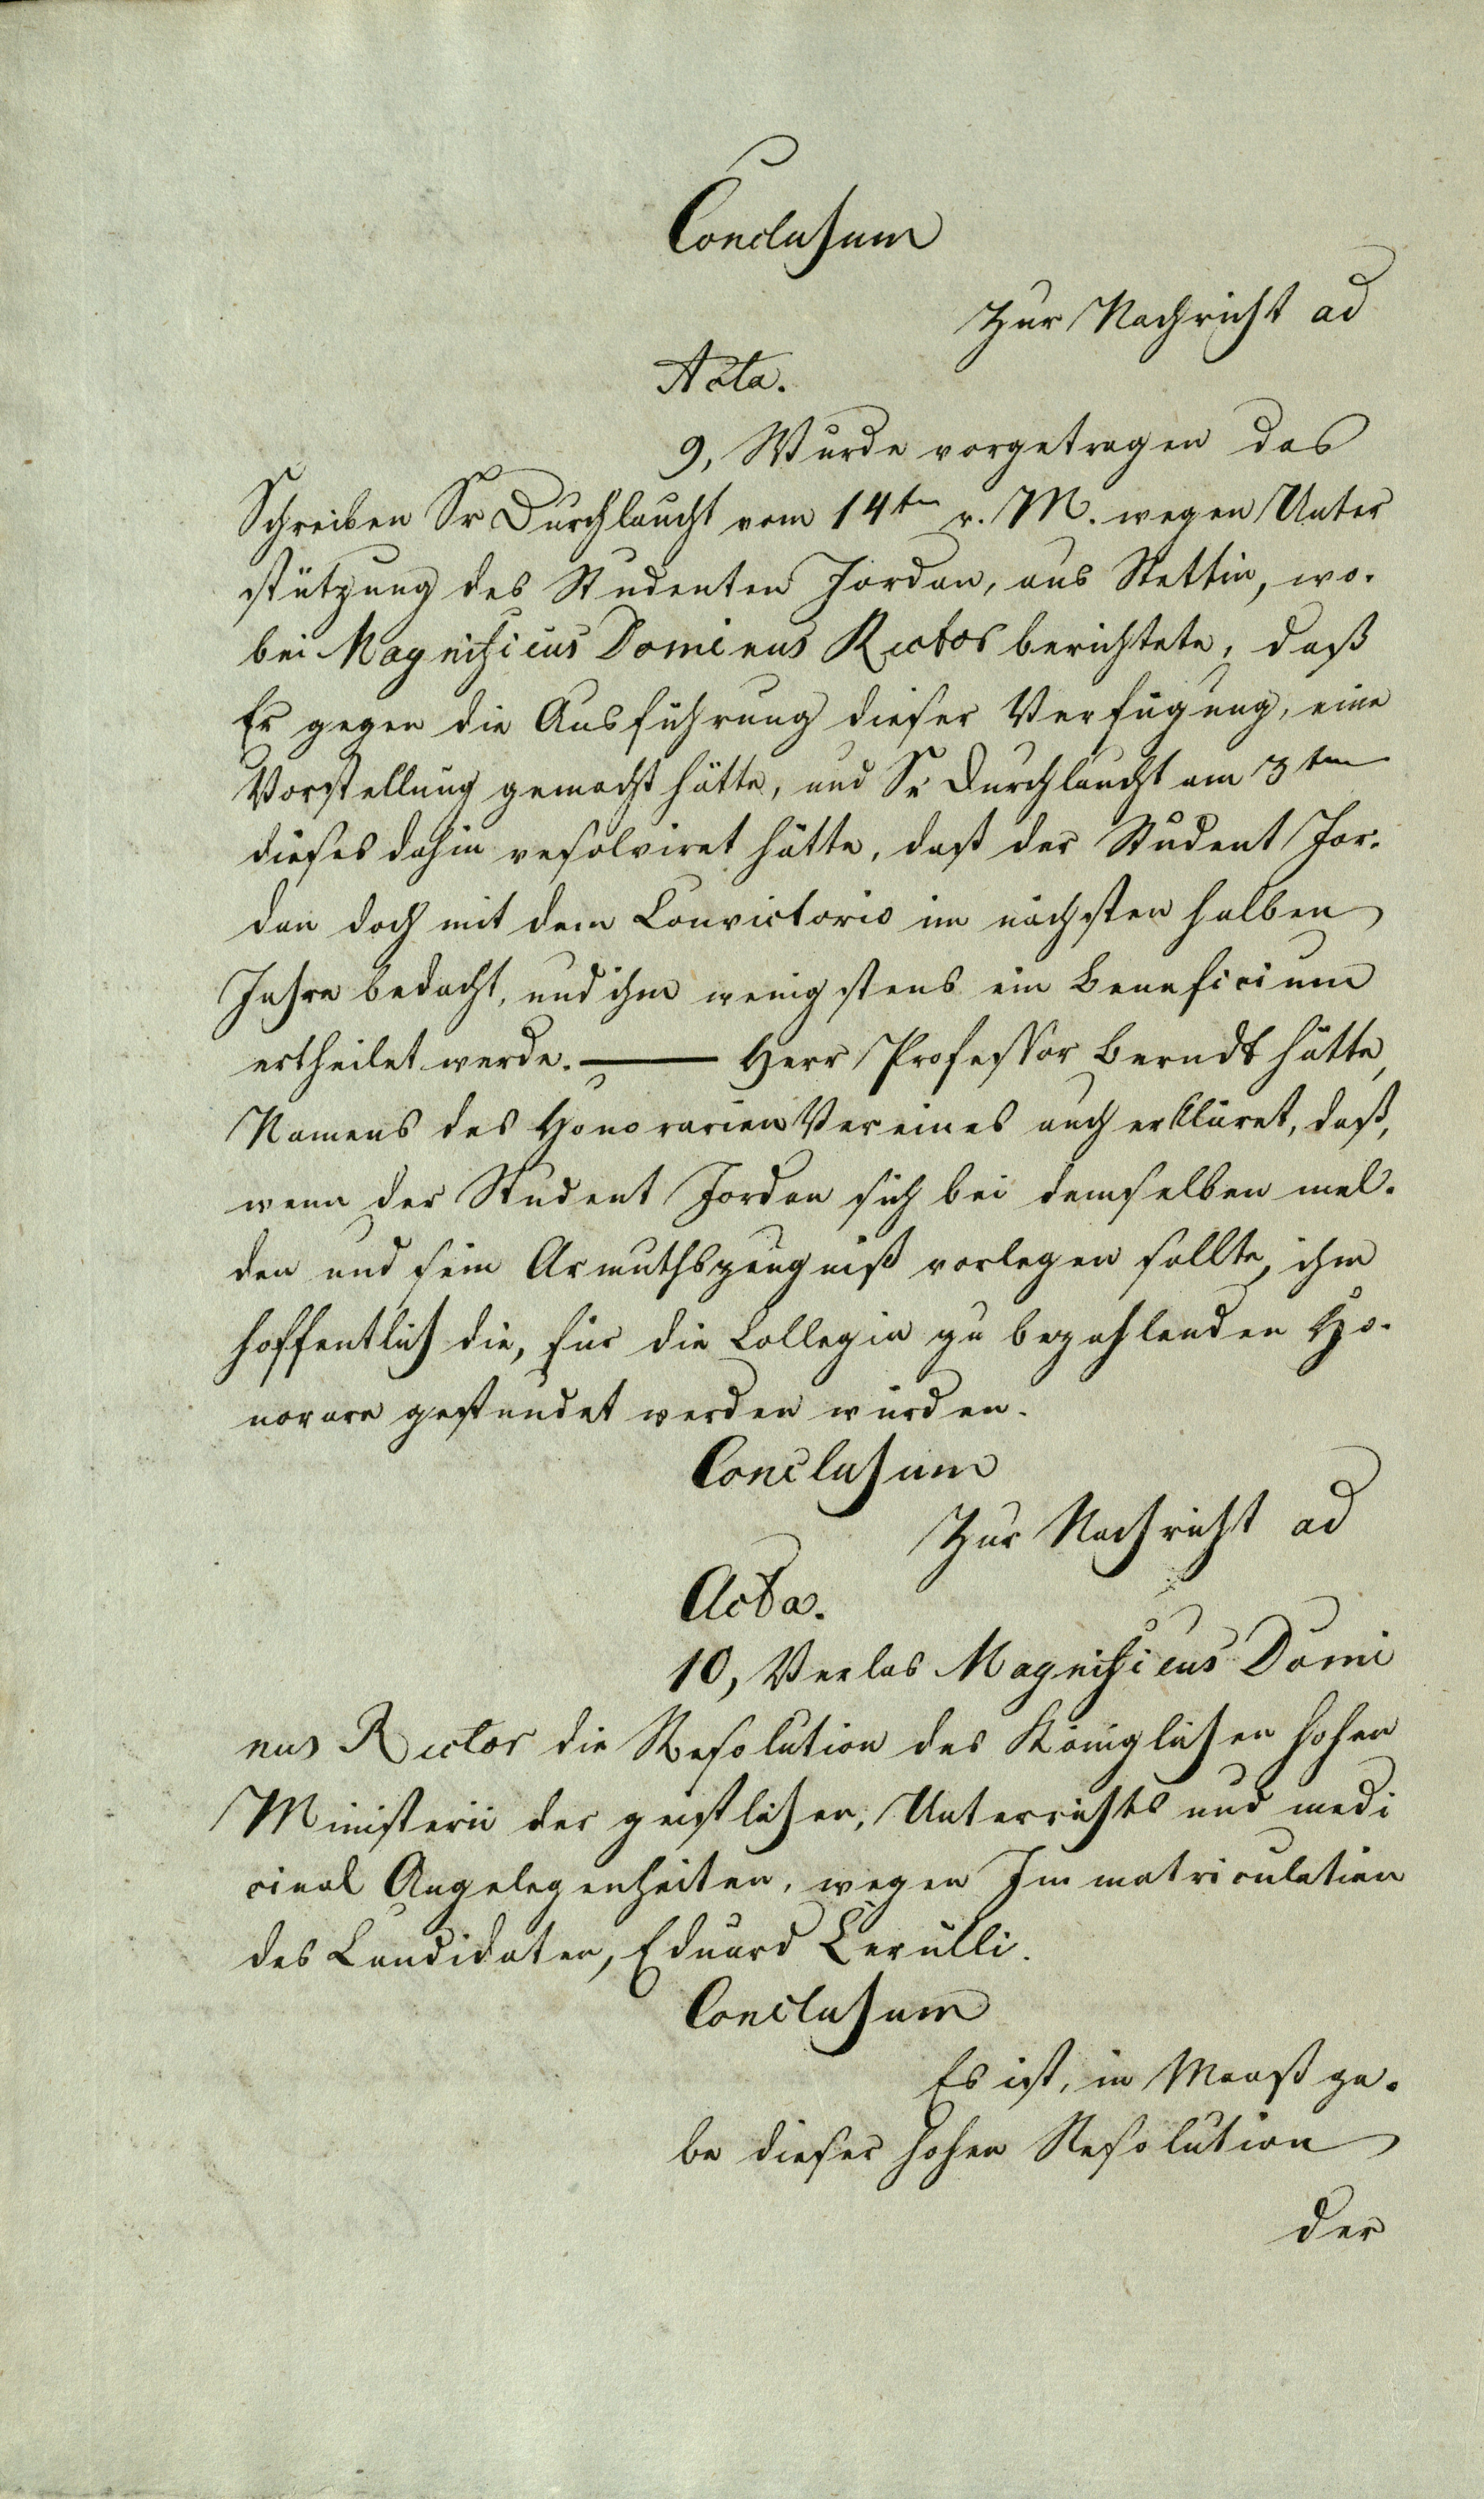Conclusum
Zur Nachricht ad
Acta.
9, Wurde vorgetragen das
Schreiben Sr Durchlaucht vom 14ten v. M. wegen Unter¬
stützung des Studenten Jordan, aus Stettin, wo¬
bei Magnificus Dominus Rector berichtete, daß
Er gegen die Ausführung dieser Verfügung , eine
Vorstellung gemacht hätte, und Sr Durchlaucht am 3ten
dieses dahin resolviret hätte, daß der Student Jor¬
dan doch mit dem Convictorio im nächsten halben
Jahre bedacht, und ihm wenigstens ein Beneficium
ertheilet werde. - Herr Professor Berndt hätte
Namens des HonorarienVereines auch erkläret, daß,
wenn der Student Jordan sich bei demselben mel¬
den und sein Armuthszeugniß vorlegen sollte, ihm
hoffentlich die, für die Collgia zu bezahlenden Ho¬
norare gestundet werden würden.
Conclusum
Zur Nachricht ad
Acta.
10, Verlas Magnifcus Domi¬
nus Rector die Resolution des Königlichen hohen
Ministerii der geistlichen, Unterrichts und medi¬
cinal Angelegenheiten, wegen Immatriculation
des Candidaten, Eduard Cerulli.
Conclusum
Es ist in Maaßga¬
be dieser hohen Resolution
der